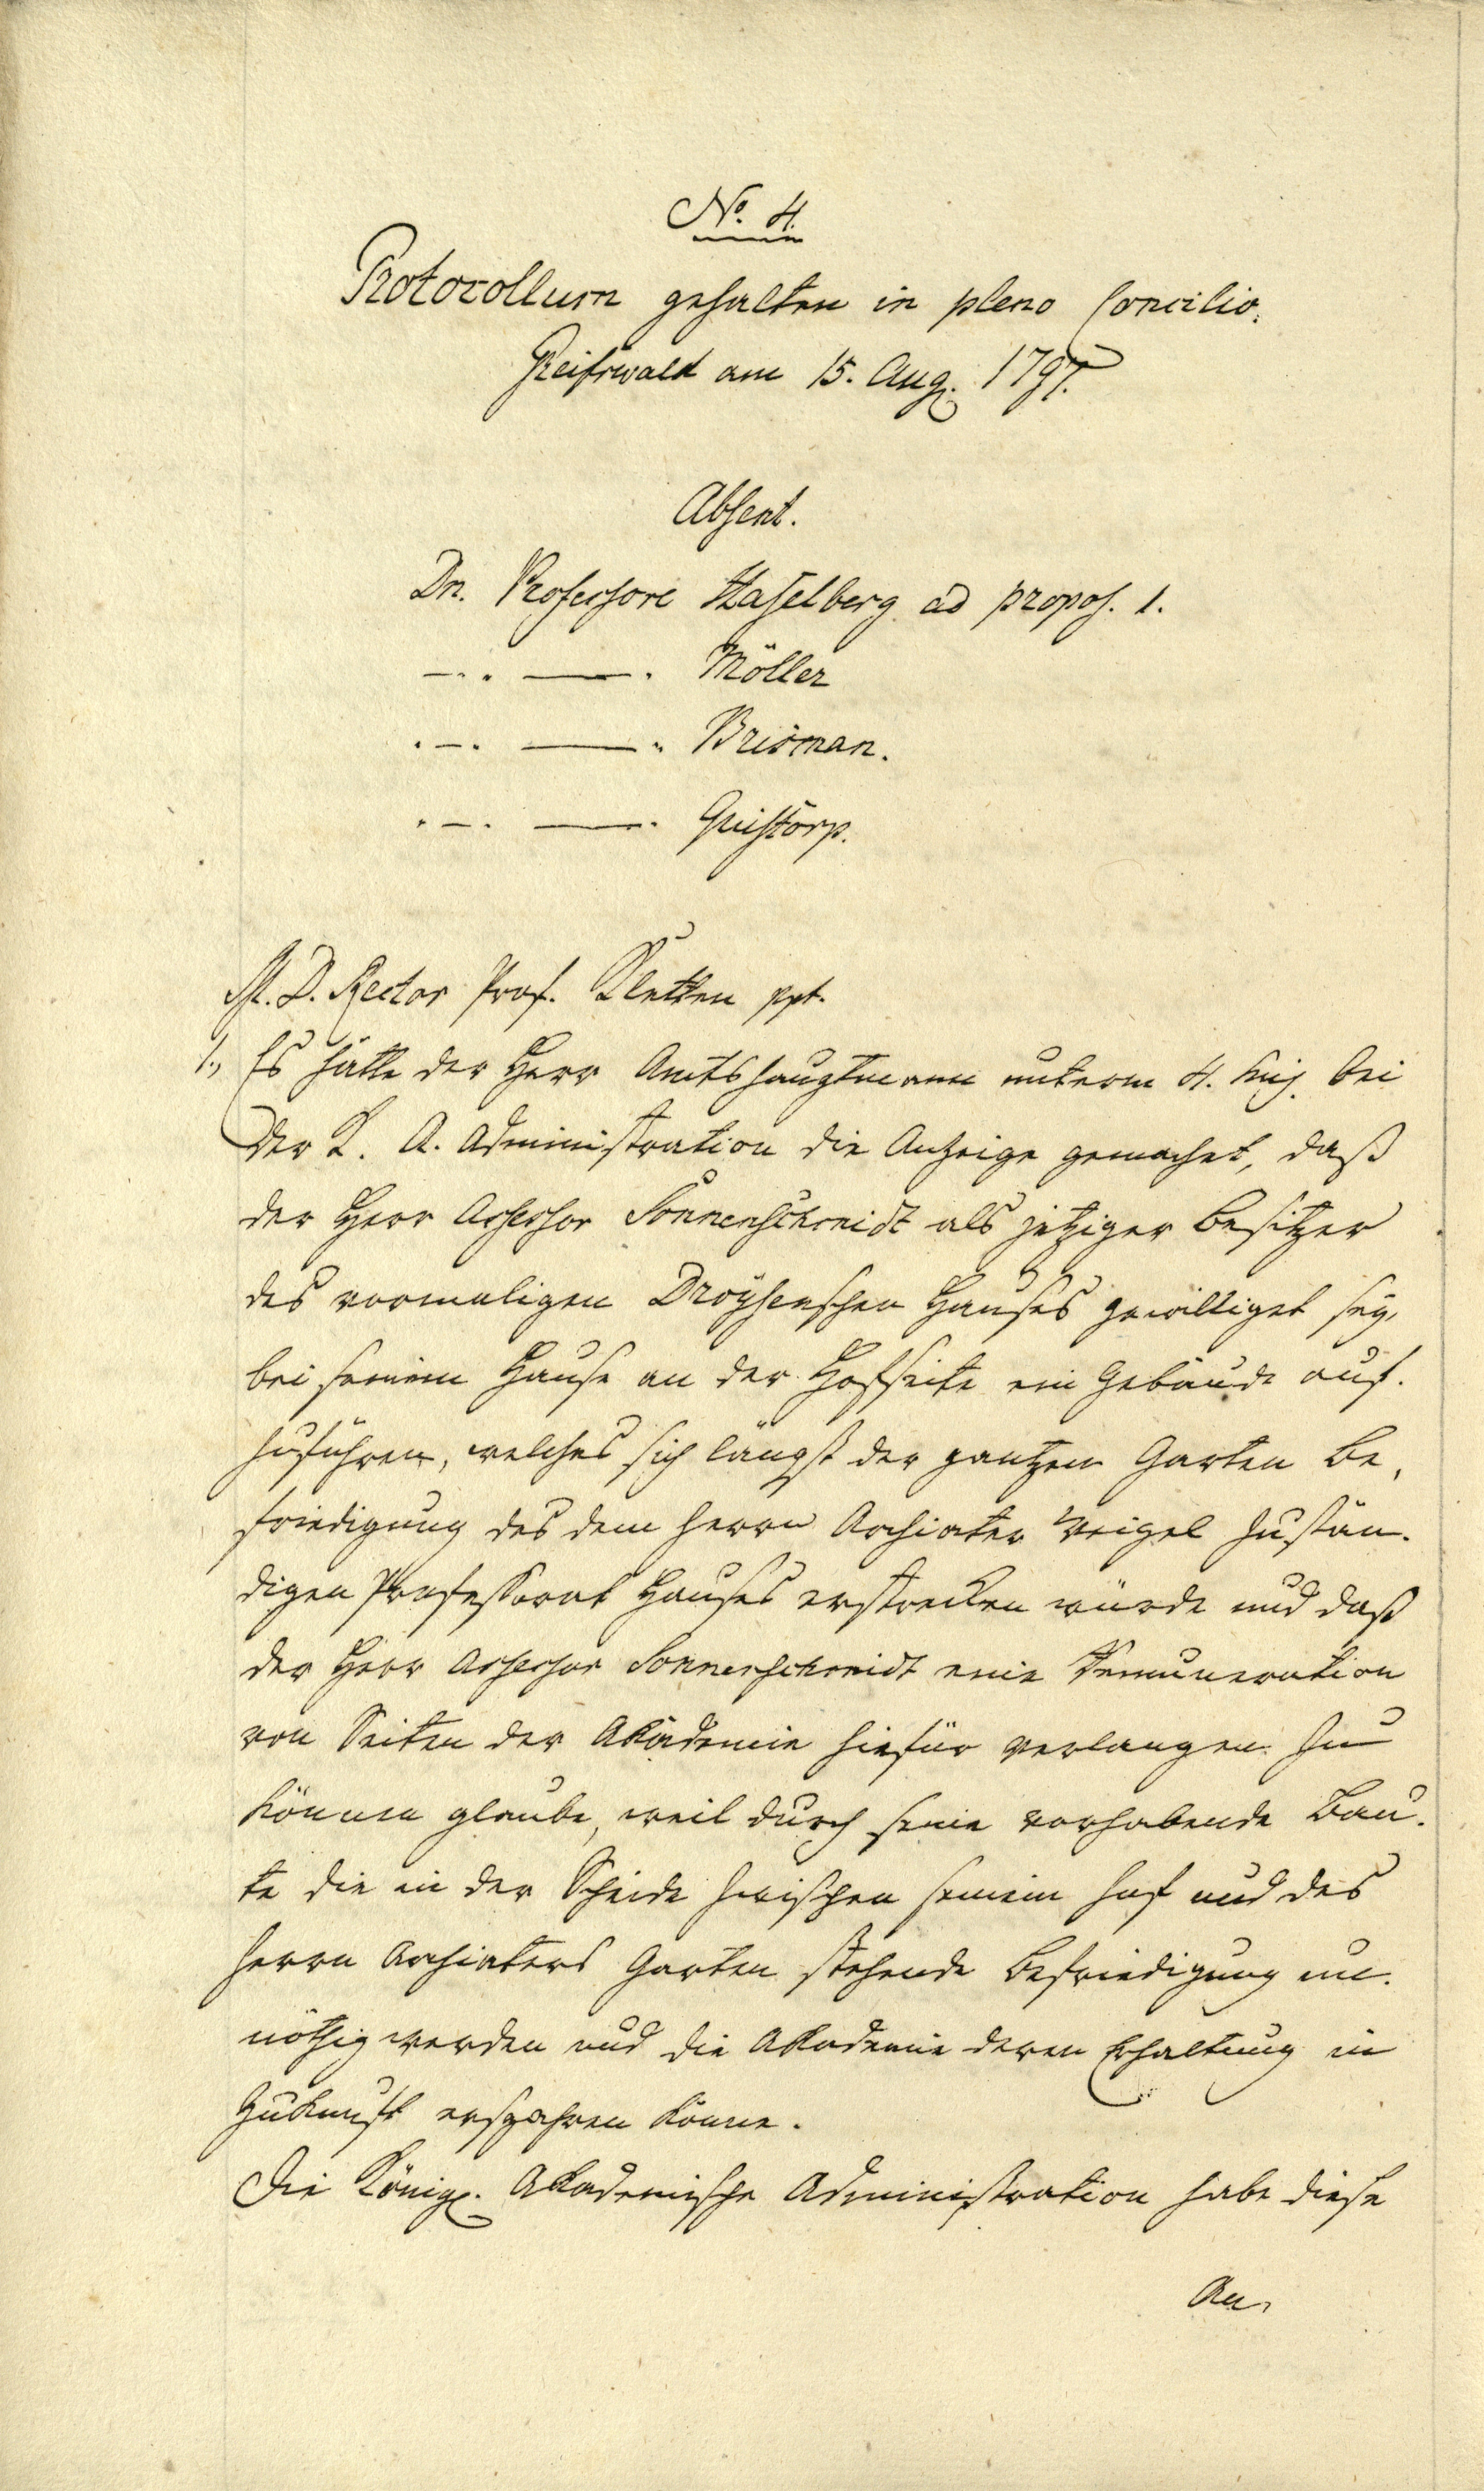Nº 4
Protocollum gehalten in pleno Cocilio.
Greifswald am 15. Aug. 1797.
Absent.
Dn. Professore Haselberg ad. propos. 1.
Möller
Brisman.
Quistorp.
M. D. Rector Prof. Kletten ppt.
1., Es hätte der Herr Amtshauptmann unterm 4. huj. bei
der K. A. Administration die Anzeige gemacht, daß
der Herr Assessor Sonnenschmidt als jetziger Besitzer
des vormaligen Droÿsenschen Hauses gewilliget seÿ
bei seinem Hause an der Hofseite ein Gebäude auf¬
zuführen, welches sich längs der gantzen Garten Be¬
friedigung des dem herrn Archiater Weigel zustän¬
digen Professorat Hauses erstrecken würde und daß
der Herr Assessor Sonnenschmidt eine Remuneration
von Seiten der Akademie hiefür verlangen zu
können glaube, weil durch seine vorhabende Bau¬
te die in der Scheide zwischen seinem Hof und des
herrn Archiaters Garten stehende Befriedigung un¬
nöthig werden und die Akademie deren Erhaltung in
Zukunft erspahren könne.
Die Königl. Akademische Administration habe diese
An